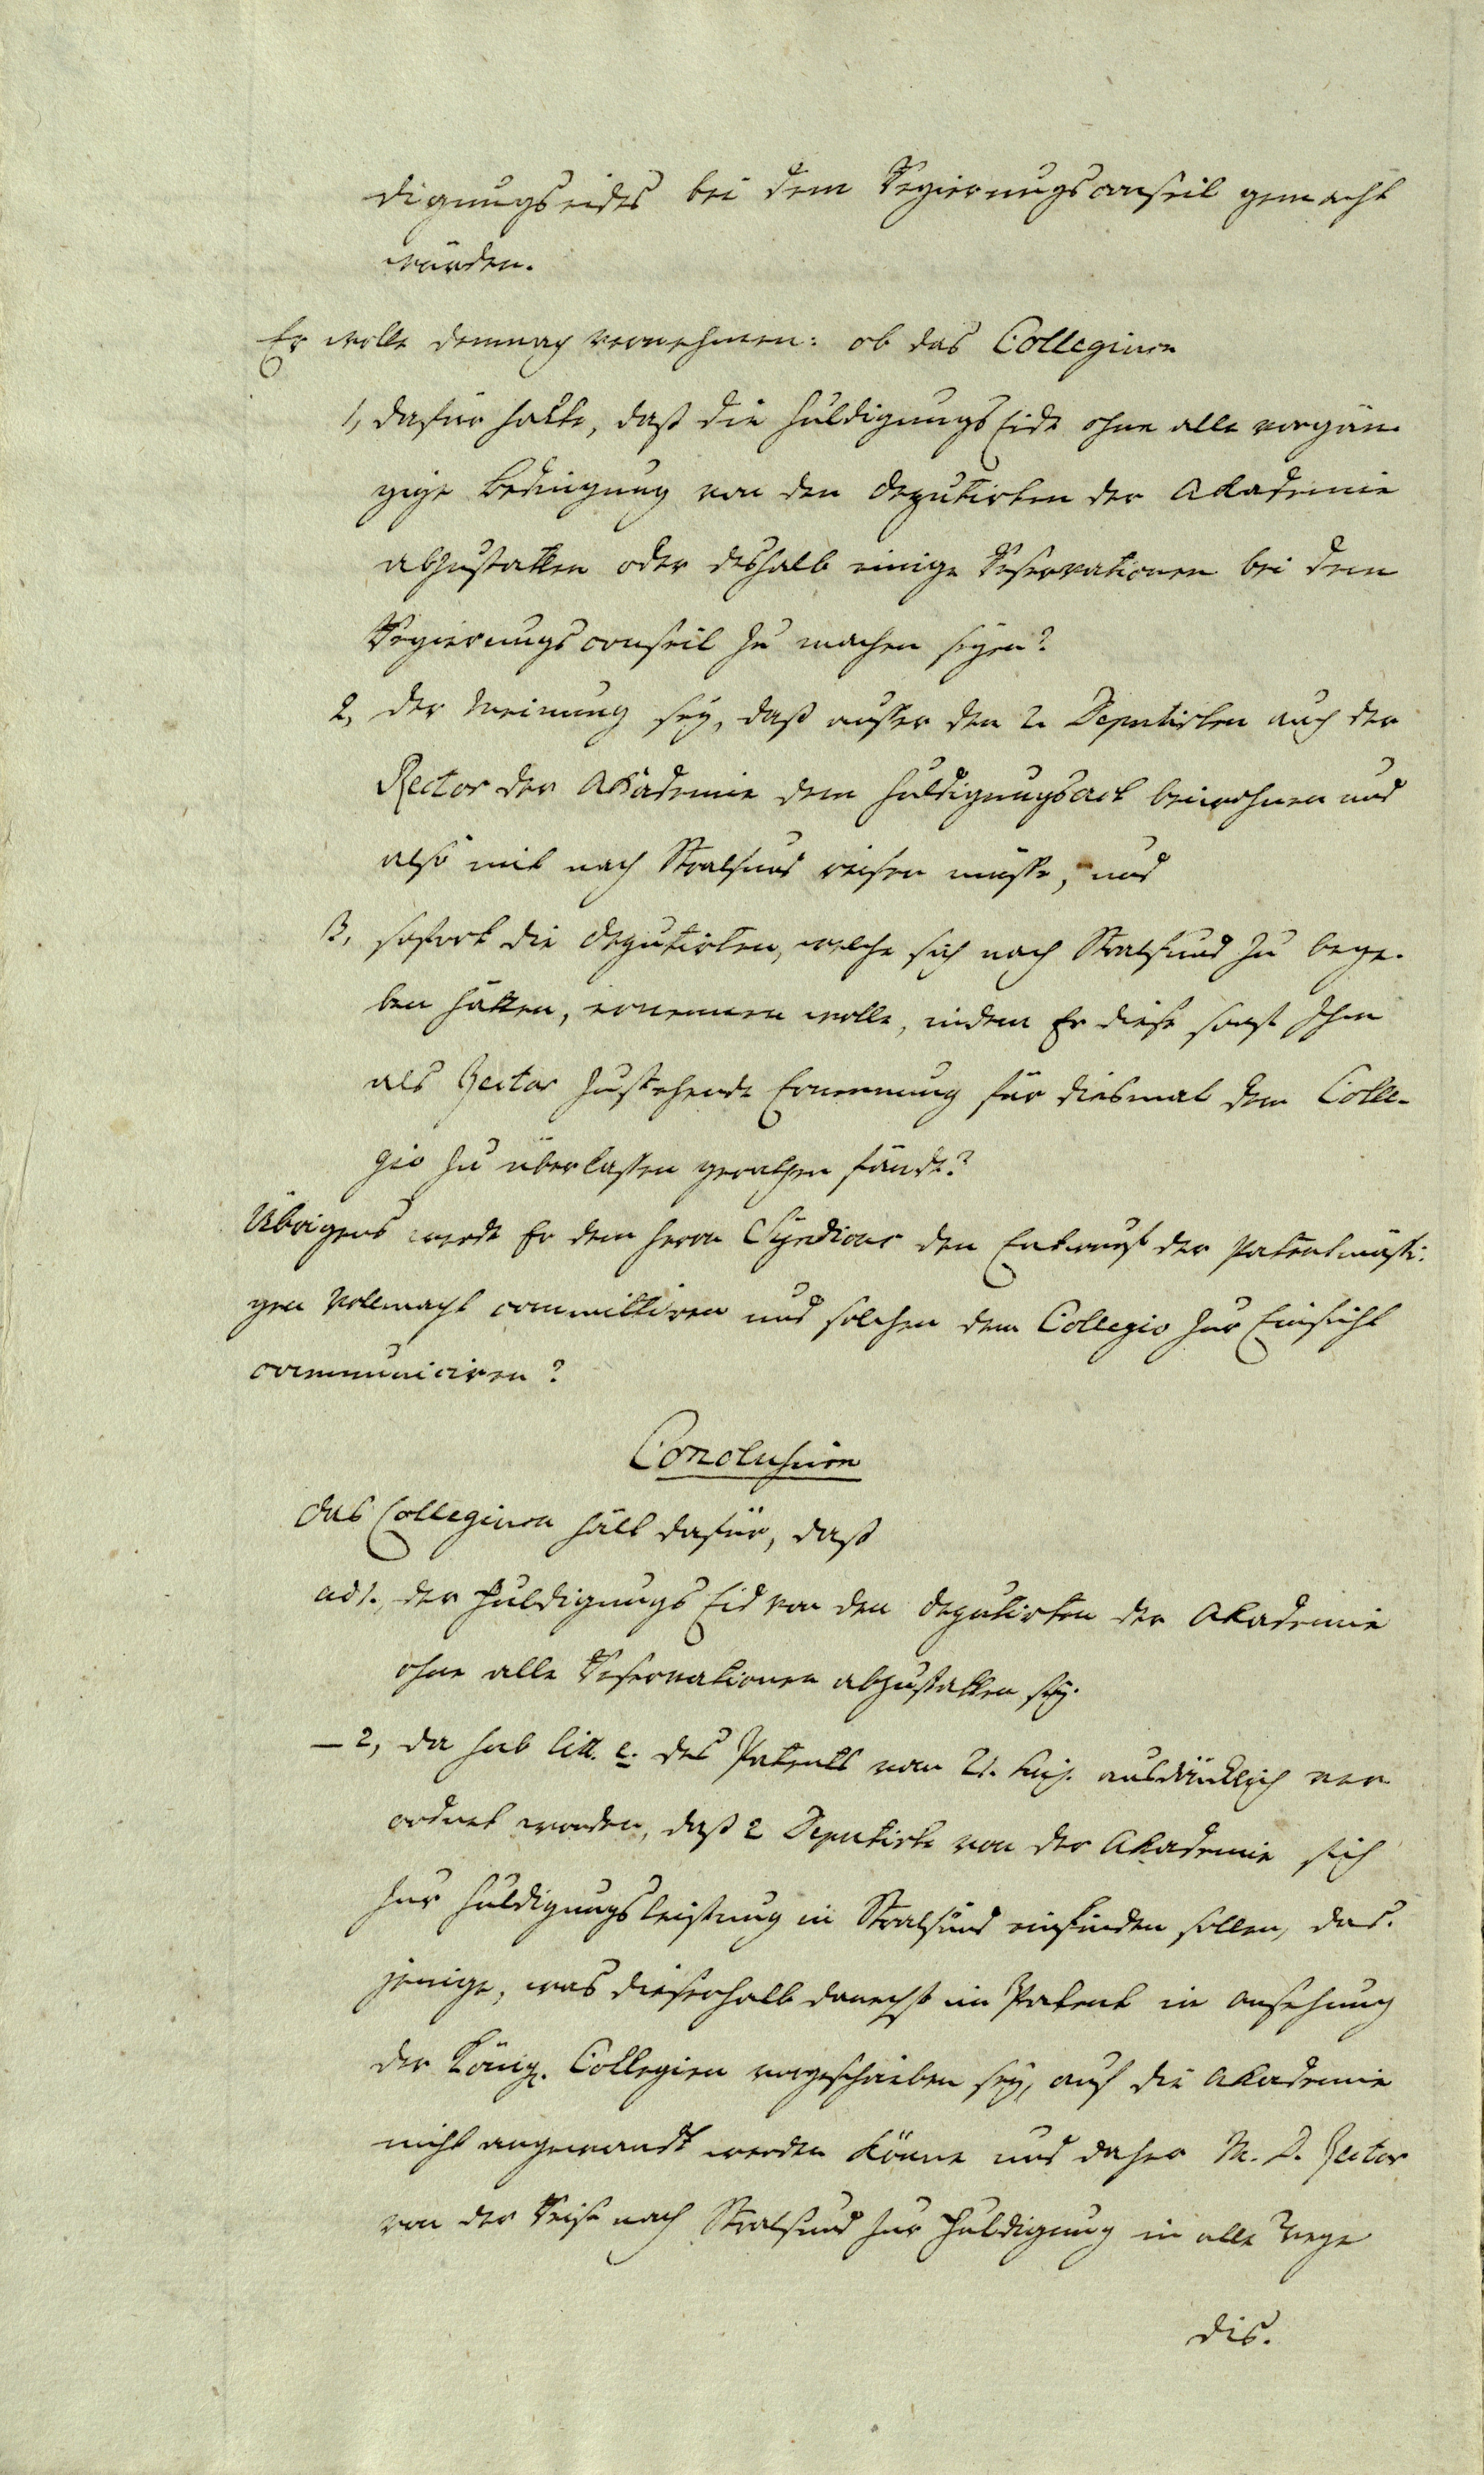digungseides bei dem Regierungsconseil gemacht
würden.
Er wolle demnach vernehmen: ob das Collegium
1, dafür halte, daß die Huldigungs Eide ohne alle vorgän¬
gige Bedingung von den Deputirten der Akademie
abzustatten oder deshalb einige Reservationen bei dem
Regierungsconseil zu machen seÿen?
2, der Meinung seÿ, daß ausser den 2. Deputirten auch der
Rector der Akademie dem Huldigungsact beiwohnen und
also mit nach Stralsund reisen müsse, und
3, sofort die Deputirten, welche sich nach Stralsund zu bege¬
ben hätten, ernennen wolle, indem Er diese sonst Ihm
als Rector zustehende Ernennung für diesmal dem Colle¬
gio zu überlassen gerathen fände?
Übrigens werde Er dem Herrn Sÿndicus den Entwurf der patentmässi¬
gen Vollmacht committiren und solchen dem Collegio zur Einsicht
communiciren ?
Conclusum
Das Collegium hält dafür, daß
ad 1., der Huldigungs Eid von den Deputirten der Akademie
ohne alle Reservationen abzustatten seÿ.
2, da sub litt. a. des Patents vom 21. huj. ausdrücklich ver¬
ordnet worden, daß 2 Deputirte von der Akademie sich
zur Huldigungsleistung in Stralsund einfinden sollen, das¬
jenige, was dieserhalb danechst im Patent in Ansehung
der Königl. Collegien vorgeschrieben seÿ, auf die Akademie
nicht angewandt werden könne und daher M. D. Rector
von der Reise nach Stralsund zur Huldigung in alle Wege
dis¬